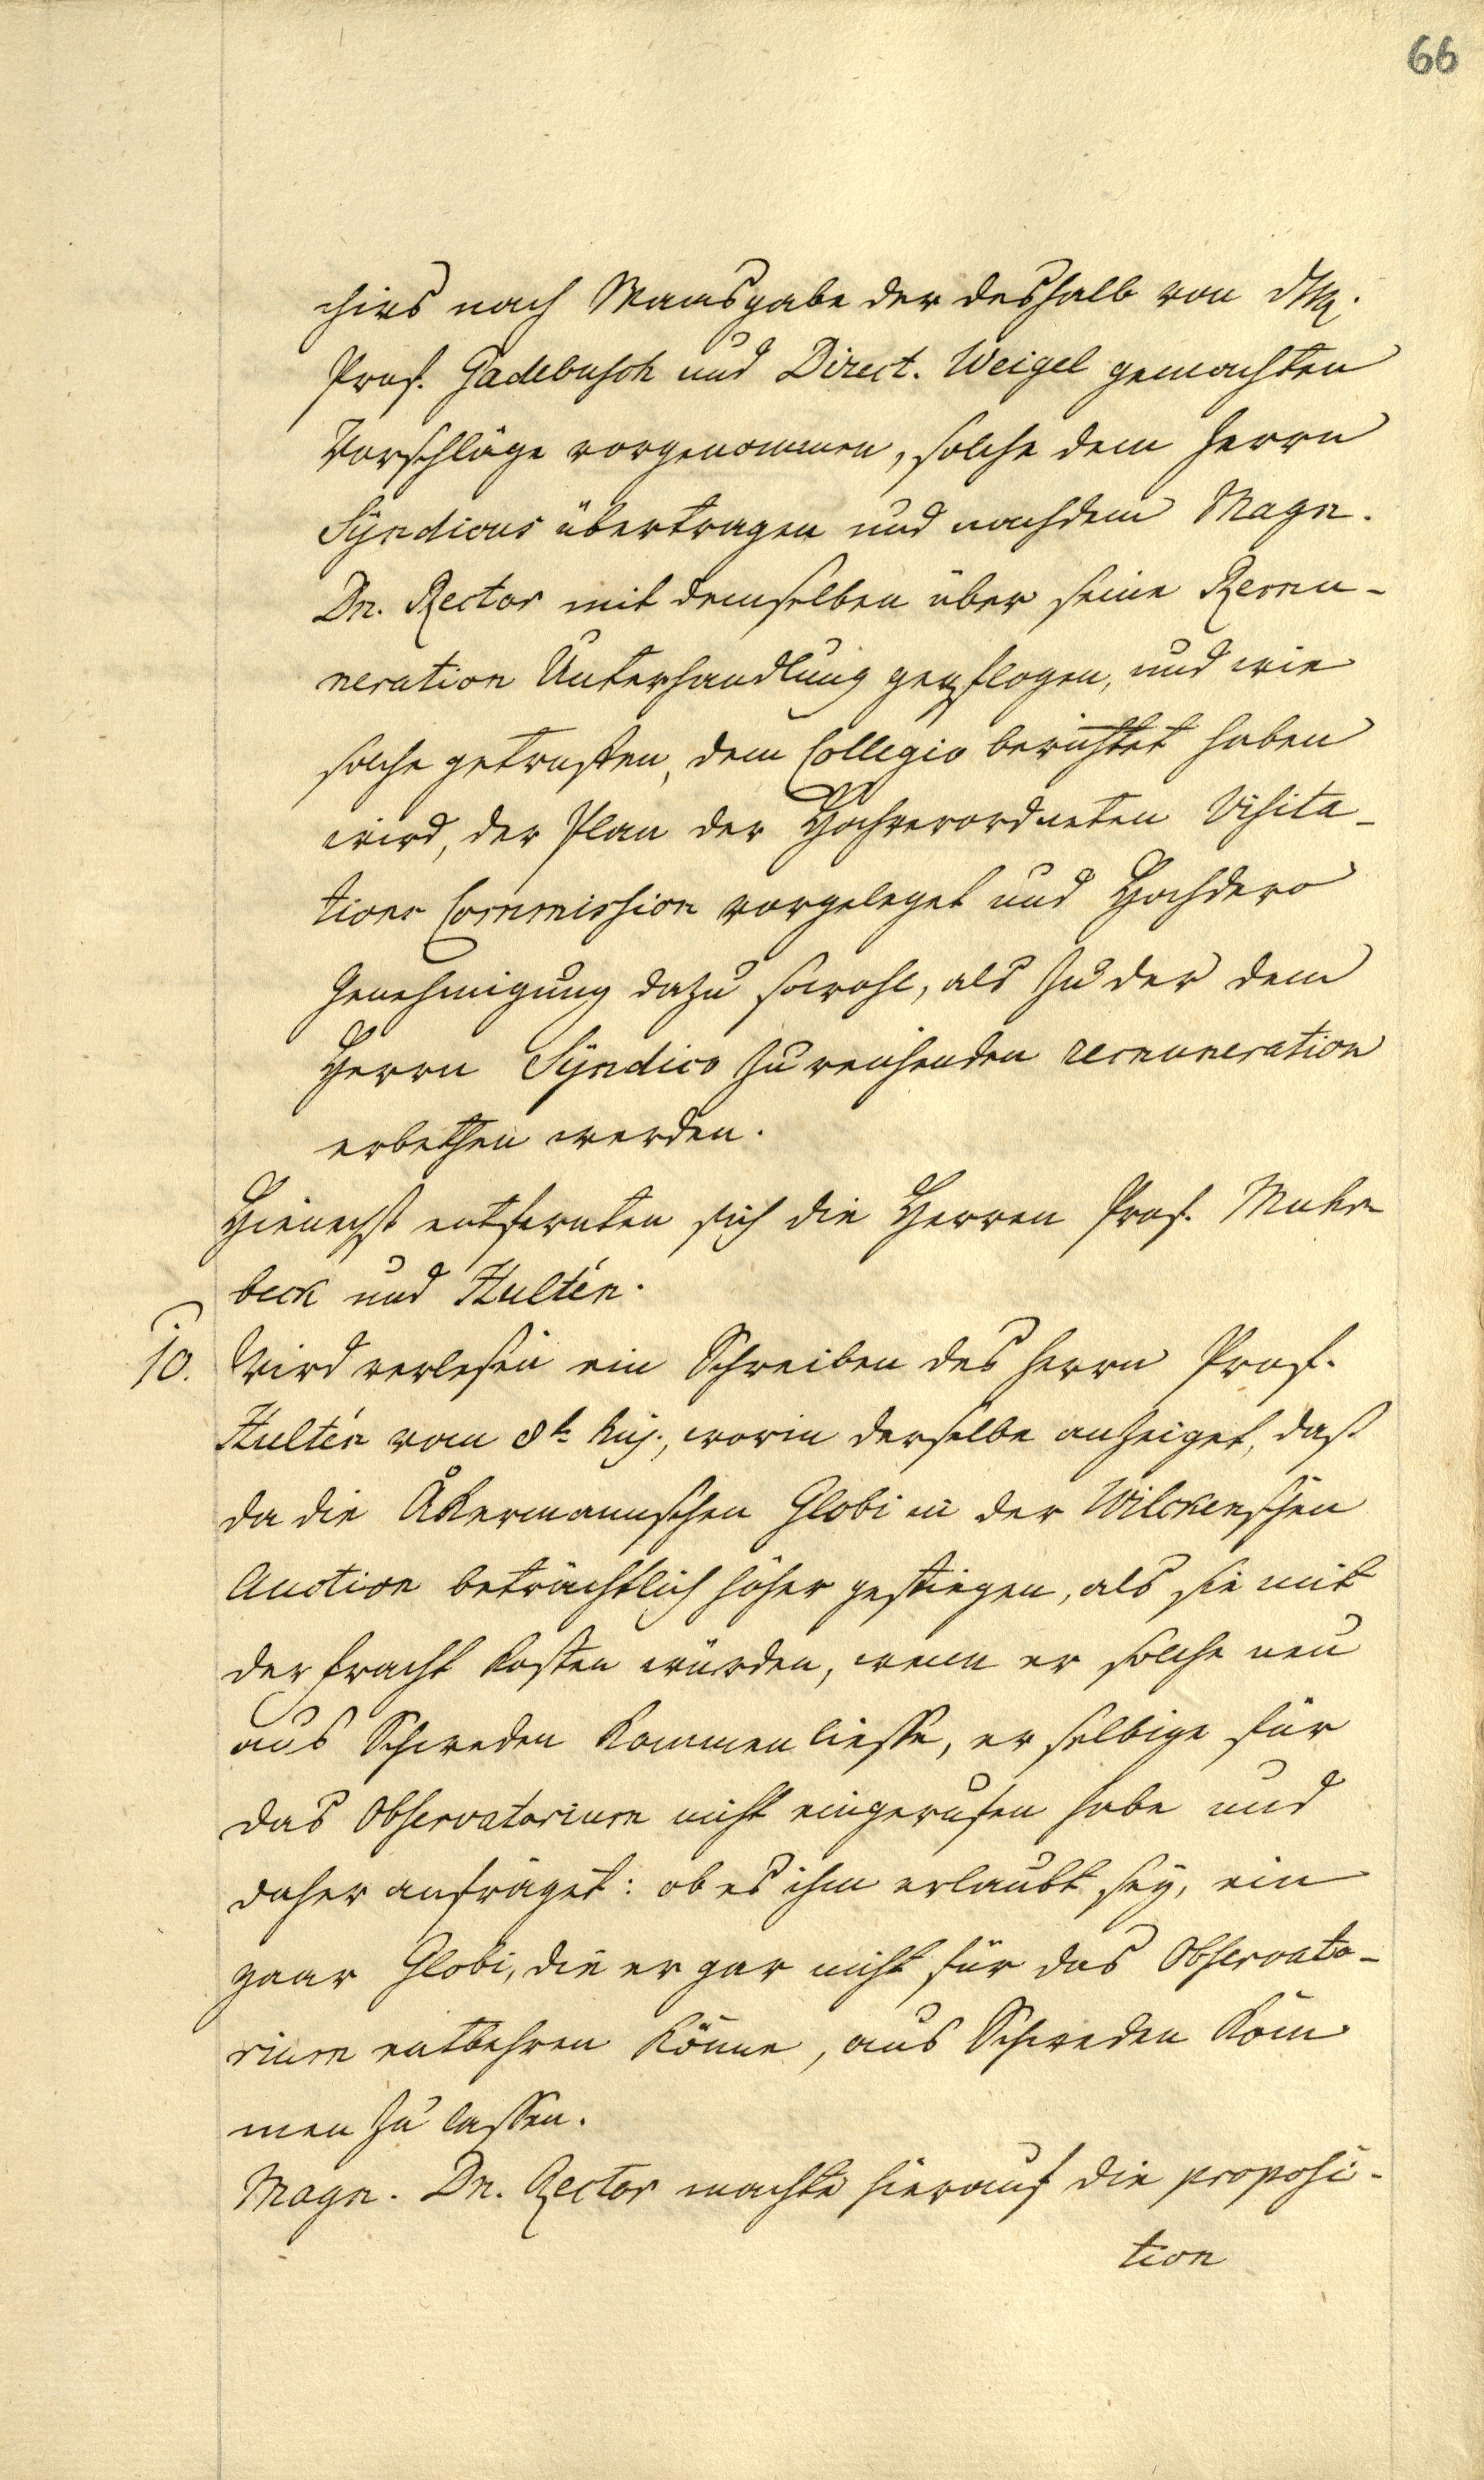chivs nach Maasgabe der deshalb von dh.
Prof. Gadebusch und Direct. Weigel gemachten
Vorschläge vorgenommen, solche dem Herrn
Sÿndicus übertragen und nachdem Magn.
Dn. Rector mit demselben über seine Remu-
neration Unterhandlung gepflogen, und wie
solche getroffen, dem Collegio berichtet haben
wird, der Plan der Hochverordneten Visitat¬
tions Commission vorgeleget und Hochdero
Genehmigung dazu sowohl, als zu der dem
Herrn Syndico zu reichenden remuneration
erbethen werden.
Hienechst entfernten sich die Herren Prof. Muhr¬
beck und Hultén.
10. Wird verlesen ein Schreiben des Herrn Prof.
Hultén vom 8 t huj., worin derselbe anzeiget, daß
da die Åkermannschen Globi in der Wilckenschen
Auction beträchtlich höher gestiegen, als sie mit
der Fracht kosten würden, wenn er solche neu
aus Schweden kommen liesse, er selbige für
das Observatorium nicht eingerufen habe und
daher anfräget: ob es ihm erlaubt seÿ, ein
paar Globi, die er gar nicht für das Observato¬
rium entbehren könne, aus Schweden kom¬
men zu lassen.
Magn. Dn. Rector machte hierauf die proposi¬
tion